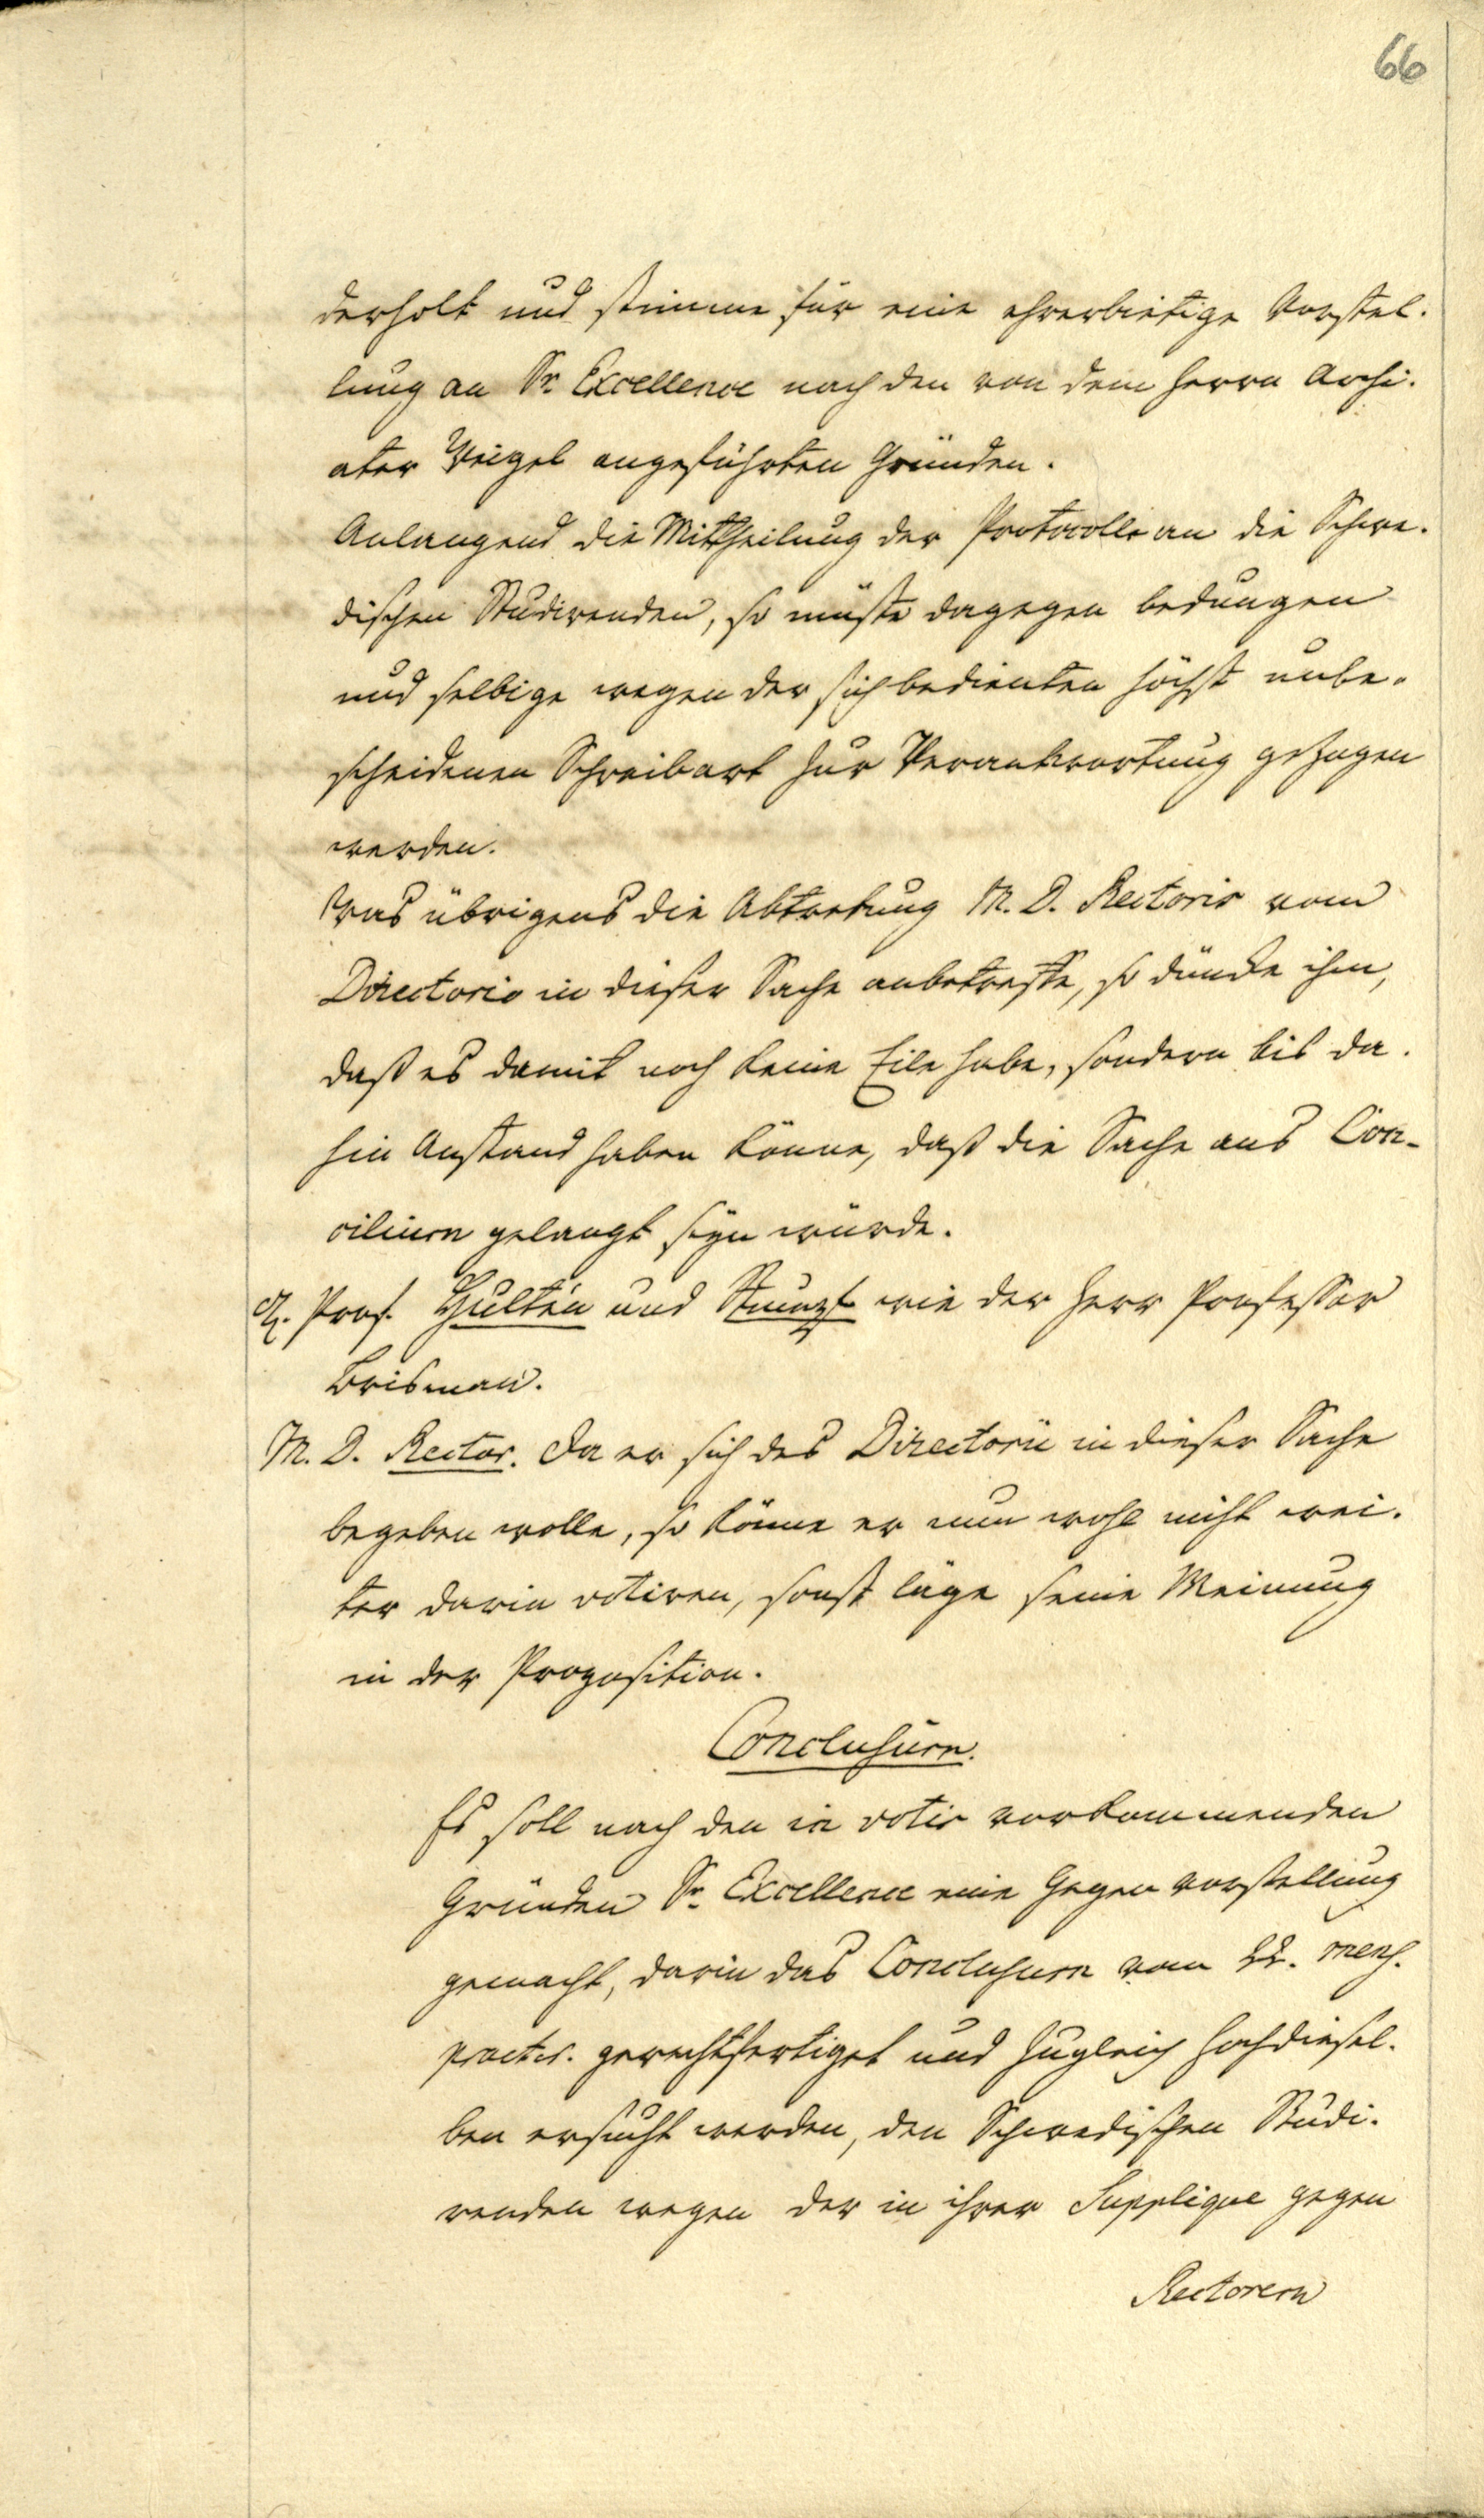derholt und stimme für eine ehrerbietige Vorstel¬
lung an Sr Excellence nach den von dem Herrn Archi¬
ater Weigel angeführten Gründen.
Anlangend die Mittheilung der Protocolle an die Schwe¬
dischen Studirenden, so müßte dagegen bedungen
und selbige wegen der sich bedienten höchst unbe¬
scheidenen Schreibart zur Verantwortung gezogen
werden.
Was übrigens die Abtretung M. D. Rectoris vom
Directorio in dieser Sache anbetreffe, so düncke ihm,
daß es damit noch keine Eile habe, sondern bis da¬
hin Anstand haben könne, daß die Sache ans Con¬
cilium gelangt seÿn würde.
dh. Prof. Hultén und Stumpf wie der Herr Professor
Brisman.
M. D. Rector. Da er sich des Directorii in dieser Sache
begeben wolle, so könne er nun wohl nicht wei¬
der darin votiren, sonst läge seine Meinung
in der Proposition.
Conclusum.
Es soll nach den in votis vorkommenden
Gründen Sr. Excellence eine Gegen vorstellung
gemacht, darin das Conclusum vom 22. mens.
aber gerechtfertiget und zugleich hochdiesel¬
ben ersucht werden, den Schwedischen Studi¬
renden wegen der in ihrer Supplique gegen
Rectorem